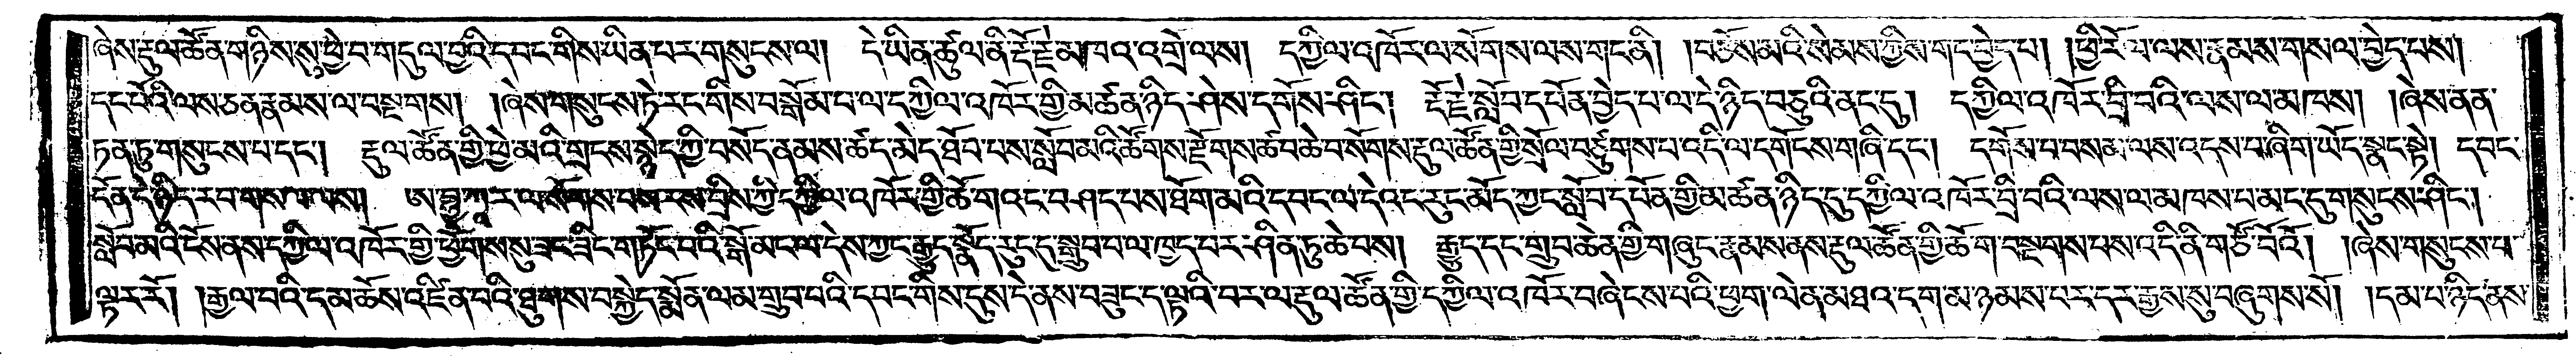ཞེས་རྡུལ་ཚོན་གཉིས་སུ་ཕྱེ་བ་གདུལ་བྱའི་དབང་གིས་ཡིན་པར་གསུངས་ལ། དེ་ཡིན་ཚུལ་ནི་རྡོ་རྗེ་མཁའ་འགྲོ་ལས། དཀྱིལ་འཁོར་ལ་སོགས་ལས་གང་ནི། །བཅོས་མའི་སེམས་ཀྱིས་གང་བྱེད་པ། ཕྱི་རོལ་ལས་རྣམས་གསལ་བྱེད་པས།
དང་པོའི་ལས་ཅན་རྣམས་ལ་བསྔགས། །ཞེས་གསུངས་ཏེ་རང་གིས་བསྒོམ་བ་ལ་དཀྱིལ་འཁོར་གྱི་མཚན་ཉིད་ཤེས་དགོས་ཤིང་། རྡོ་རྗེ་སློབ་དཔོན་བྱེད་པ་ལ་དེ་ཉིད་བཅུའི་ནང་དུ། དཀྱིལ་འཁོར་བྲི་བའི་ལས་ལ་མཁས། །ཞེས་ནན་
ཏན་ཏུ་གསུངས་པ་དང་། རྡུལ་ཚོན་གྱི་ཕྱེ་མའི་གྲངས་སྙེད་ཀྱི་བསོད་ནམས་ཚད་མེད་ཐོབ་པས་སློབ་མའི་ཚོགས་རྫོགས་ཚང་ཆེ་བ་སོགས་རྡུལ་ཚོན་གྱི་སྲོལ་བཙུགས་པ་འདི་ལ་དགོངས་གཞི་དང་། དགོས་པ་བསམ་ལས་འདས་པ་ཞིག་ཡོད་སྣང་སྟེ། དབང་
དོན་དེ་ཉིད་རབ་གསལ་ལས། ཨ་བྷྱ་ཀཱ་ར་ལ་སོགས་བས་རས་བྲིས་ཀྱི་དཀྱིལ་འཁོར་གྱི་ཆོ་གའང་བཤད་པས་ཐོག་མའི་དབང་ལ་དེའང་རུང་མོད་ཀྱང་སློབ་དཔོན་གྱི་མཚན་ཉིད་དུ་དཀྱིལ་འཁོར་བྲི་བའི་ལས་ལ་མཁས་བ་མང་དུ་གསུངས་ཤིང་།
སློབ་མའི་ངོས་ནས་དཀྱིལ་འཁོར་གྱི་ཕྱོགས་སུ་ཟང་ཟིང་གཏོང་བའི་སྒོ་མང་ལ་དེས་ཀྱང་རྒྱུད་སྣོད་རུང་དུ་སྒྲུབ་བ་ལ་ཁྱད་བར་ཤིན་ཏུ་ཆེ་བས། རྒྱུད་དང་གྲུབ་ཆེན་གྱི་གཞུང་རྣམས་ནས་རྡུལ་ཚོན་གྱི་ཆོ་ག་བསྔགས་པས་འདི་ནི་གཙོ་བོའོ། །ཞེས་གསུངས་པ་
ལྟར་རེ། །རྒྱལ་བའི་དམ་ཆོས་འཛིན་པའི་ཐུགས་བསྐྱེད་སྨོན་ལམ་གྲུབ་བའི་དབང་གིས་དུས་དེ་ནས་བཟུང་ད་ལྟའི་བར་ལ་རྡུལ་ཚོན་གྱི་དཀྱིལ་འཁོར་བཞེངས་པའི་ཕྱག་ལེན་མཐའ་དག་མཉམས་པར་དར་རྒྱས་སུ་བཞུགས་སོ། །དམ་པ་ཉིད་ནས་